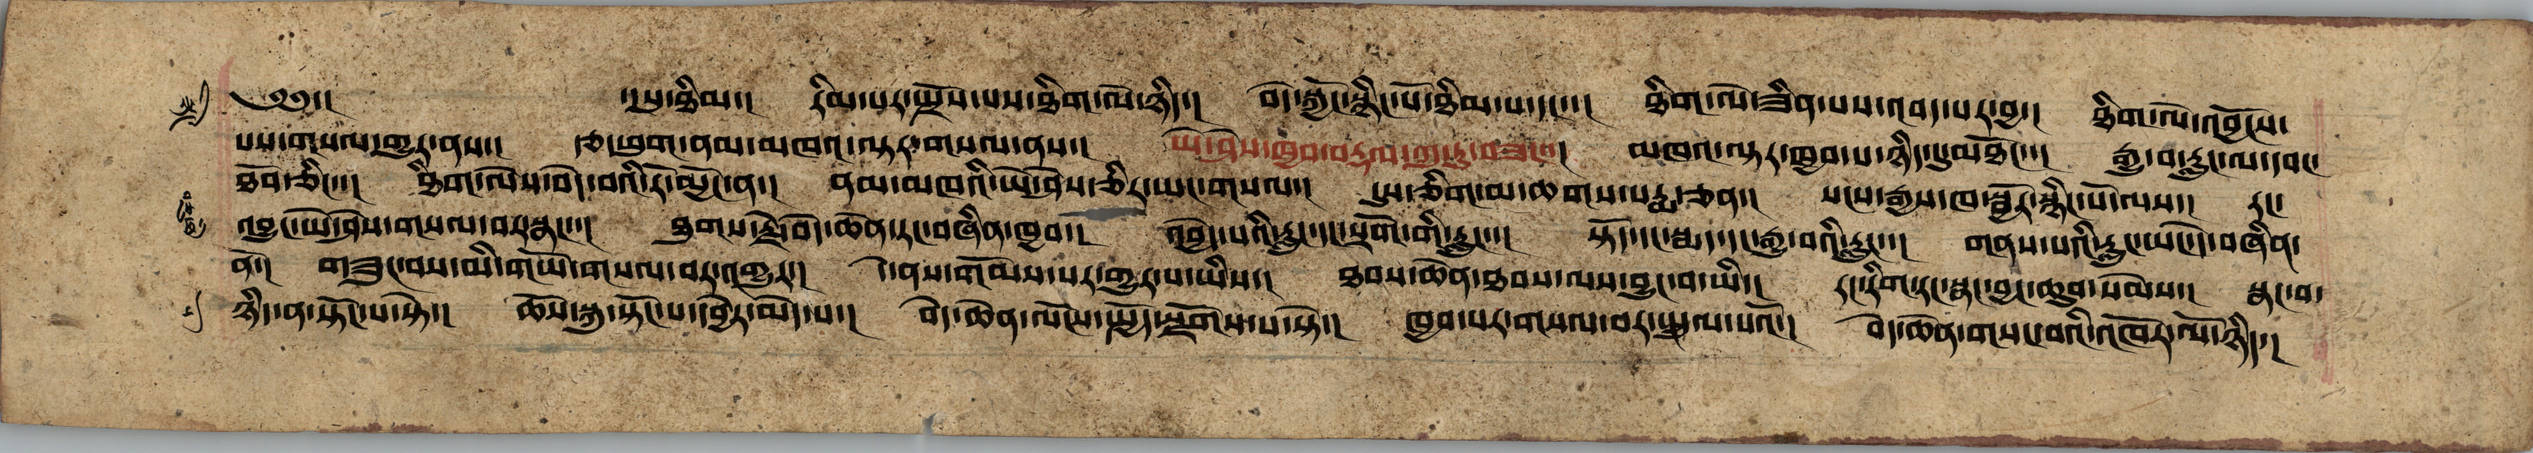༄༅་། ་།སུ་ཐིམ་། རིམ་པར་སྤྲོས་པས་ཐིག་ལེ་ཉིད་། བདེ་སྐྱོང་སྙིང་པོ་ཐིམ་པ་དང་་། ཐིག་ལེ་ཟིན་པས་འབད་པར་བྱ་། ཐིག་ལེ་འབྱོངས་
པས་གསལ་གྱུར་ནས་། རྩ་ཕུག་ནམ་མཁའ་ལྟར་གསལ་ནས་། ཡེ་ཤེས་ཁྱབ་བརྡལ་ཀུ་རུ་བཟང་་། མཁའ་ལྟར་ཁྱབ་པ་ཉིད་དུ་མཐོང་་། རྒྱུ་བ་རླུང་ལ་དབང་
ཐོབ་ཅིང་་། ཐིག་ལེས་བདེ་བའི་རོ་མྱོང་ན་། ནམ་མཁའི་ཡེ་ཤེས་ཅིར་ཡང་གསལ་། དུས་ཅིག་མ་ཆགས་པདྨ་ཅན་། སངས་རྒྱས་ཁ་སྦྱོར་སྙིང་པོ་ལས་། རང་
འབྱུང་ཡེ་ཤེས་གསལ་བར་སྣང་་། ཐུགས་རྗེ་བདེ་ཆེན་རང་བཞིན་ཁྱབ་། འབྱེད་པའི་རླུང་དང་སྲོག་གི་རླུང་་། སྟོད་དང་སྨད་དང་རྒྱུ་བའི་རླུང་་། གནས་པའི་རླུང་ཡང་དེ་བཞིན་
ནོ་། གཟུང་བས་མི་གཡོ་གསལ་བར་འགྱུར་། དེ་ནས་གོམས་པར་གྱུར་པ་ཡིས་། ཐབས་ཆེན་ཐབས་ལས་བྱུང་བ་ཡི་། རང་རིག་རང་སྣང་བྱང་ཆུབ་སེམས་། སྣང་བ་
ཉིད་ན་སྟོང་པ་སྟེ་། ཆོས་སྐུ་སྟོང་པ་དབྱེར་མེད་པ་། བདེ་ཆེན་ལོངས་སྤྱོད་སྫོགས་པ་སྟེ་། ཁྱབ་པར་གསལ་བར་སྤྲུལ་པའོ་། བདེ་ཆེན་གསང་བའི་འཁོར་ལོ་ཉིད་།